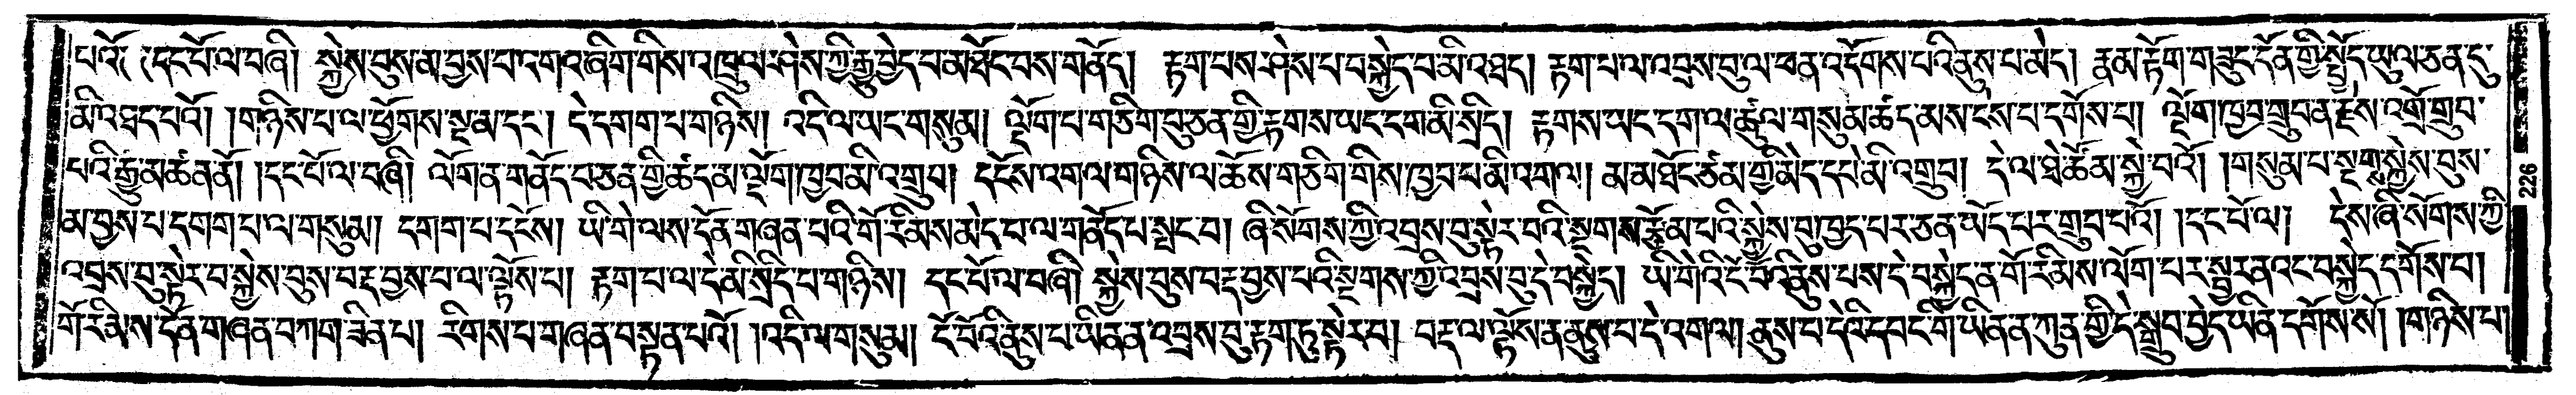པའོ། །དང་པོ་ལ་བཞི། སྐྱེས་བུས་མ་བྱས་པ་འགའ་ཞིག་གིས་འཁྲུལ་ཤེས་ཀྱི་རྒྱུ་བྱེད་པ་མཐོང་བས་གནོད། རྟག་པས་ཤེས་པ་བསྐྱེད་པ་མི་འཐད། རྟག་པ་ལ་འབྲས་བུ་ལ་ཕན་འདོགས་པའི་ནུས་པ་མེད། རྣམ་རྟོག་གཟུང་དོན་གྱི་སྤྱོད་ཡུལ་ཅན་དུ་
མི་འཐད་པའོ། །གཉིས་པ་ལ་ཕྱོགས་སྔ་མ་དང་། དེ་དགག་པ་གཉིས། འདི་ལ་ཡང་གསུམ། ལྡོག་པ་གཅིག་པུ་ཅན་གྱི་རྟགས་ཡང་དག་མི་སྲིད། རྟགས་ཡང་དག་ལ་ཚུལ་གསུམ་ཚད་མས་ངེས་པ་དགོས་པ། ལྡོག་ཁྱབ་གྲུབ་ན་རྗེས་འགྲོ་གྲུབ་
པའི་རྒྱུ་མཚན་ནོ། །དང་པོ་ལ་བཞི། ལོག་ན་གནོད་པ་ཅན་གྱི་ཚད་མ་ལྡོག་ཁྱབ་མི་འགྲུབ། དངོས་འགལ་གཉིས་ལ་ཆོས་གཅིག་གིས་ཁྱབ་པ་མི་འགལ། མ་མཐོང་ཙམ་གྱི་མེད་དཔེ་མི་འགྲུབ། དེ་ལ་ཐེ་ཚོམ་སྐྱེ་བའོ། །གསུམ་པ་སྔགས་སྐྱེས་བུས་
མ་བྱས་པ་དགག་པ་ལ་གསུམ། དགག་པ་དངོས། ཡི་གེ་ལས་དོན་གཞན་པའི་གོ་རིམས་མེད་པ་ལ་གནོད་པ་སྤང་བ། ཞི་སོགས་ཀྱི་འབྲས་བུ་སྟེར་བའི་སྔགས་རྩོམ་པའི་སྐྱེས་བུ་ཁྱད་པར་ཅན་ཡོད་པར་གྲུབ་པའོ། །དང་པོ་ལ། དེས་ཞི་སོགས་ཀྱི་
འབྲས་བུ་སྟེར་བ་སྐྱེས་བུས་བརྡ་བྱས་པ་ལ་ལྟོས་པ། རྟག་པ་ལ་དེ་མི་སྲིད་པ་གཉིས། དང་པོ་ལ་བཞི། སྐྱེས་བུས་བརྡ་བྱས་པའི་སྔགས་ཀྱི་འབྲས་བུ་དེ་བསྐྱེད། ཡི་གེའི་ངོ་བོའི་ནུས་པས་དེ་བསྐྱེད་ན་གོ་རིམས་ལོག་པར་སྦྱར་ནའང་བསྐྱེད་དགོས་པ།
གོ་རིམས་དོན་གཞན་བཀག་ཟིན་པ། རིགས་པ་གཞན་བསྟན་པའོ། །འདི་ལ་གསུམ། ངོ་བོའི་ནུས་པ་ཡིན་ན་འབྲས་བུ་རྟག་ཏུ་སྟེར་བ། བརྡ་ལ་ལྟོས་ན་ནུས་པ་དེ་འགལ། ནུས་པ་དེའི་དབང་གི་ཡིན་ན་ཀུན་གྱི་དེ་སྒྲུབ་བྱེད་ཡིན་དགོས་སོ། །གཉིས་པ།